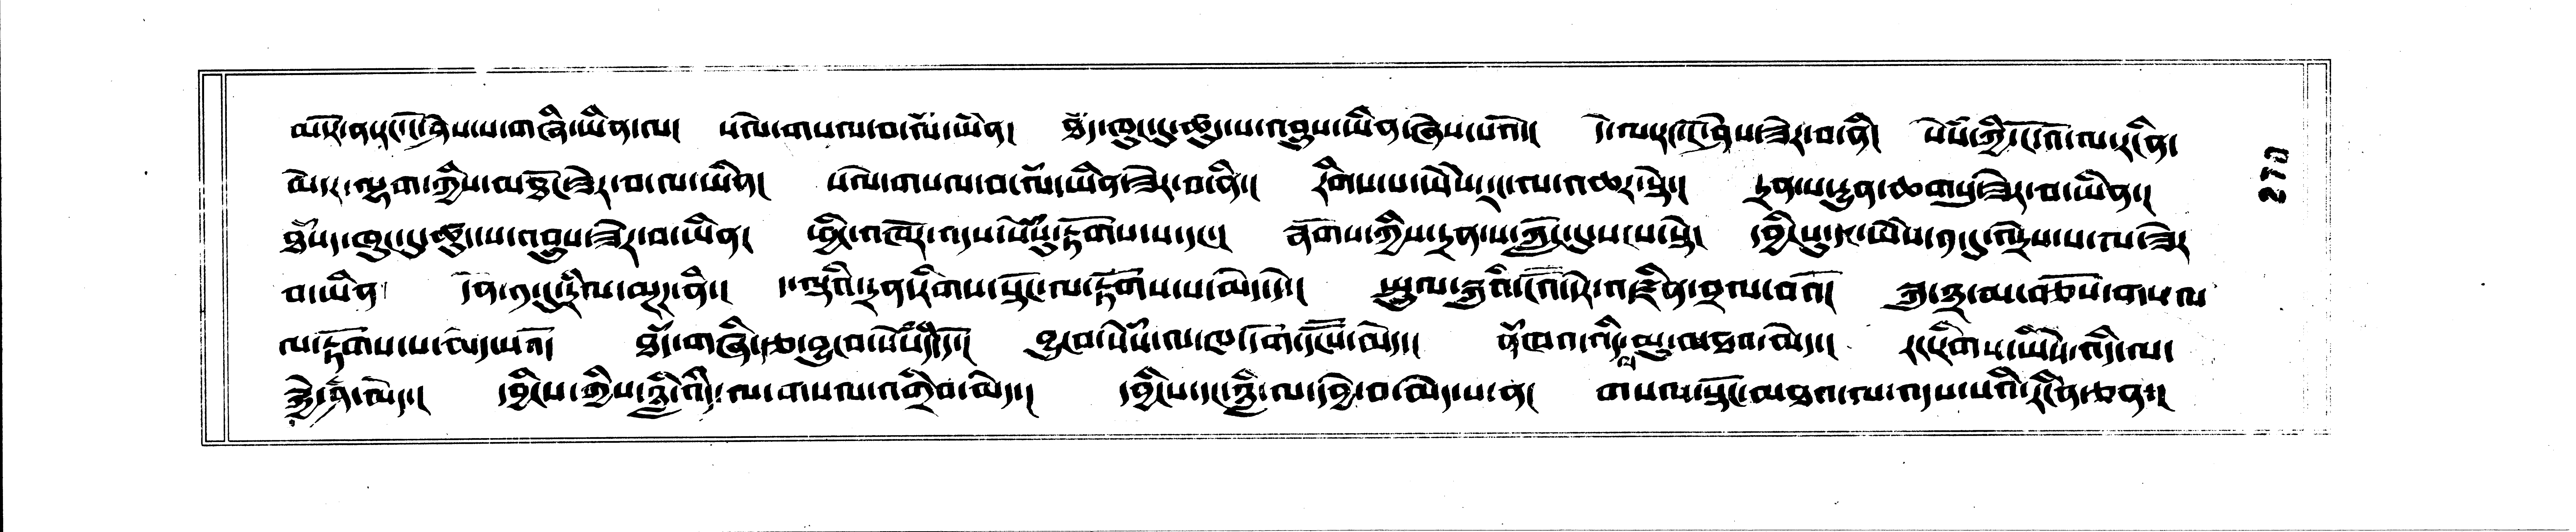མདོར་ན་རང་ངོ་ཤེས་པར་གཞི་ཡིན་ལ། ས་ལེར་གསལ་བ་ལམ་ཡིན། ཐམས་ཅད་ཁོང་དུ་ཆུད་པ་འབྲས་བུ་ཡིན། ཅེས་པའོ། དེ་ལ་རང་ངོ་ཤེས་ཟེར་བ་ནི། སེམས་ཀྱི་ང་བོ་སྟོང་ལ་རང་བཞིན་
མེད་པར་ལྷག་གིས་མཐོང་པ་ལ་ཟེར་བ་ཡིན། སལེ་གསལ་བ་ལམ་ཟེར་བ་ཡིན། རིག་པ་ཡེ་ཤེས་རང་ལ་འཆར་ཏེ། དྲན་པ་རྒྱུན་ཆགས་སུ་གནས་པ་ལ་ཟེར་བ་ཡིན་ནོ། 
ཐམས་ཅད་ཁོང་དུ་ཆུད་པ་འབྲས་བུ་ཟེར་བ་ནི། ཕྱི་ནང་འཁོར་འདས་སེམས་སུ་པ་དང་། སྣ་ཚོགས་ཀྱིས་དྲན་པ་སྟོང་པའི་ངང་དུ་སངས་སྟེ། དབྱིངས་དང་ཡེ་ཤེས་གཅིག་ཏུ་འདྲེས་པ་ལ་ཟེར་
བ་ཡིན་ནོ། དོན་གཅིག་དུ་དྲིལ་བའི་མེན་ངག་ནི། ད་ལྟའི་དྲན་རིག་སྟོང་ལ་རྟོག་པ་མེད་པ་དེ། རང་སར་སལེ་གསལ་བ་འདི་ལ་འདུས་སོ། ལོགས་སུ་མེད་པས་ན། བོན་སྐུའི་༼སྐུ༽རང་ཉིད་ཡིན་ནོ། བོན་སྐུའི་ངོའོ་རང་བཞིན་མེད་པའོ། རྫོགས་སྐུའི་ངོའོ་སལེ་གསལ་བའོ། སྤྲུལ་སྐུའི་ངོའོ་དེར་འཛིན་བྲལ་བའོ། སྐུ་གསུམ་མ་བཅོས་གསལ་
ལ་རྟོག་མེད་དོ། ཐམས་ཅད་གཞི་རྩ་བྱང་ཆུབ་སེམས་ཉིད་དོ། བྱང་ཆུབ་སེམས་ལ་ཁ་དོག་དངོས་པོ་མེད། ནམ་མཁའ་འདི་ལ་སྟོང་ལ་མུ་མཐའ་མེད། རང་རིག་ཡེ་ཤེས་འདི་ལ་
སྐྱེ་ཤི་མེད། དབྱིངས་ཀྱི་ཉི་ཟླ་འདི་ལ་གསལ་འགྲིབ་མེད། དབྱིངས་དང་ཉི་ཟླ་འདི་ལ་དབྱེ་བ་མེད་པས་ན། གསལ་སྟོང་མཐའ་ལས་འདས་པའི་རང་བཞིན་ཅན།